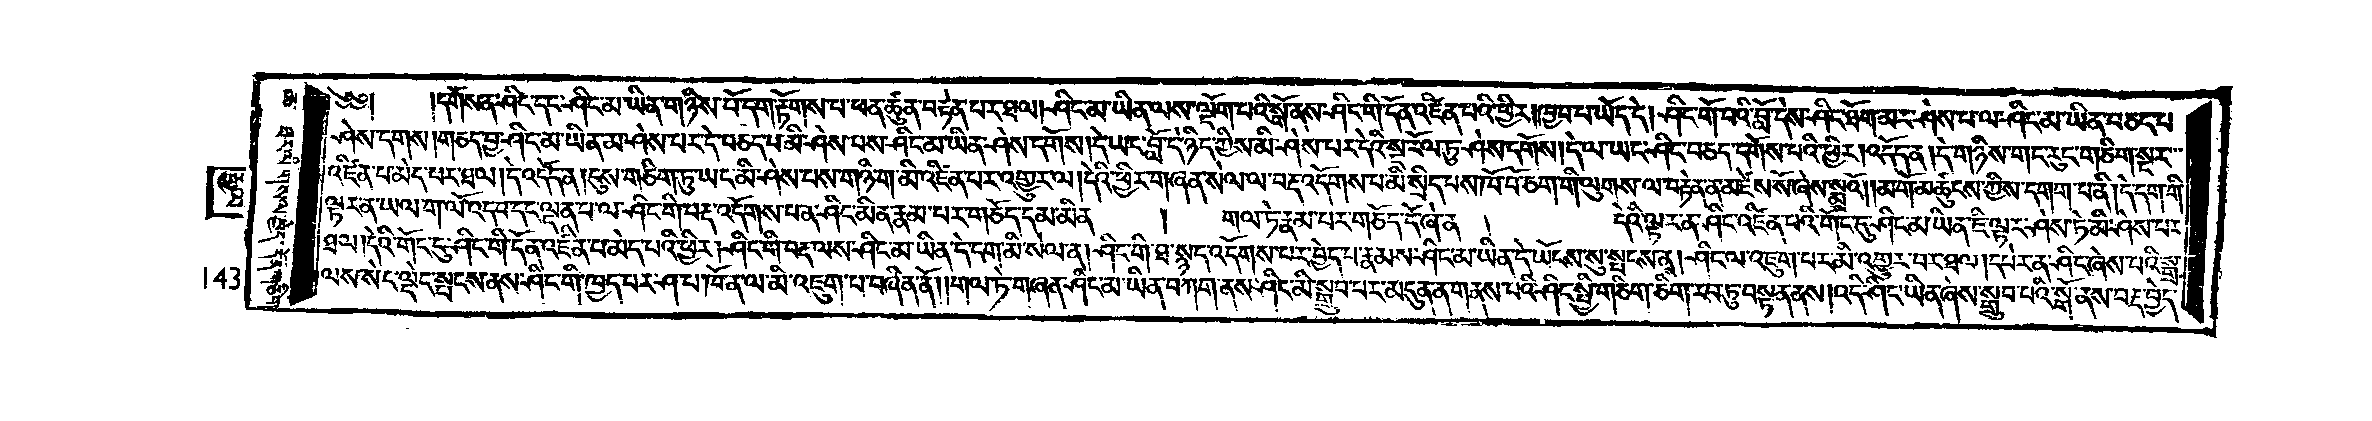༄༅། །དགོས་ན་ཤིང་དང་ཤིང་མ་ཡིན་གཉིས་པོ་དག་རྟོགས་པ་ཕན་ཚུན་བརྟེན་པར་ཐལ། ཤིང་མ་ཡིན་ལས་ལྡོག་པའི་སྒོ་ནས་ཤིང་གི་དོན་འཛིན་པའི་ཕྱིར། ཁྱབ་པ་ཡོད་དེ། ཤིང་གོ་བའི་བློ་དེས་ཤིང་ཐོག་མར་ཤེས་པ་ལ་ཤིང་མ་ཡིན་བཅད་པ་
ཤེས་དགོས། གཅད་བྱ་ཤིང་མ་ཡིན་མ་ཤེས་པར་དེ་བཅད་པ་མི་ཤེས་པས་ཤིང་མ་ཡིན་ཤེས་དགོས། དེ་ཡང་བློ་དེ་ཉིད་ཀྱིས་མི་ཤེས་པར་དེའི་སྔ་རོལ་ཏུ་ཤེས་དགོས། དེ་ལ་ཡང་ཤིང་བཅད་དགོས་པའི་ཕྱིར། འདོད་ན། དེ་གཉིས་གང་རུང་གཅིག་སྔར་
འཛིན་པ་མེད་པར་ཐལ། དེ་འདོད་ན། དུས་གཅིག་ཏུ་ཡང་མི་ཤེས་པས་གཉི་ག་མི་འཛིན་པར་འགྱུར་ལ། དེའི་ཕྱིར་གཞན་སེལ་ལ་བརྡ་འདོགས་པ་མི་སྲིད་པས་ཁོ་བོ་ཅག་གི་ལུགས་ལ་བརྟེན་ན་མཛེས་སོ་ཞེས་སྨྲའོ། །མགོ་མཚུངས་ཀྱིས་དགག་པ་ནི། དེ་དག་གི་
ལྟར་ན་ཡལ་ག་ལོ་འདབ་དང་ལྡན་པ་ལ་ཤིང་གི་བརྡ་འདོགས་པ་ན་ཤིང་མིན་རྣམ་པར་གཅོད་དམ་མིན། གལ་ཏེ་རྣམ་པར་གཅོད་དོ་ཞེ་ན། དེའི་ལྟར་ན་ཤིང་འཛིན་པའི་གོང་དུ་ཤིང་མ་ཡིན་ཇི་ལྟར་ཤེས་ཏེ་མི་ཤེས་པར་
ཐལ། དེའི་གོང་དུ་ཤིང་གི་དོན་འཛིན་པ་མེད་པའི་ཕྱིར། ཤིང་གི་བརྡ་ལས་ཤིང་མ་ཡིན་དེ་དག་མི་སེལ་ན། ཤིང་གི་ཐ་སྙད་འདོགས་པར་བྱེད་པ་རྣམས་ཤིང་མ་ཡིན་དེ་ཡོངས་སུ་སྤངས་ནས། ཤིང་ལ་འཇུག་པར་མི་འགྱུར་བར་ཐལ། དཔེར་ན་ཤིང་ཞེས་པའི་སྒྲ་
ལས་སེང་ལྡེང་སྤངས་ནས་ཤིང་གི་ཁྱད་པར་ཤ་པ་ཁོ་ན་ལ་མི་འཇུག་པ་བཞིན་ནོ། །གལ་ཏེ་གཞན་ཤིང་མ་ཡིན་བཀག་ནས་ཤིང་མི་སྒྲུབ་པར་མདུན་ན་གནས་པའི་ཤིང་སྤྱི་གཅིག་ཅིག་རབ་ཏུ་བསྟན་ནས། འདི་ཤིང་ཡིན་ཞེས་སྒྲུབ་པའི་སྒོ་ནས་བརྡ་བྱེད་